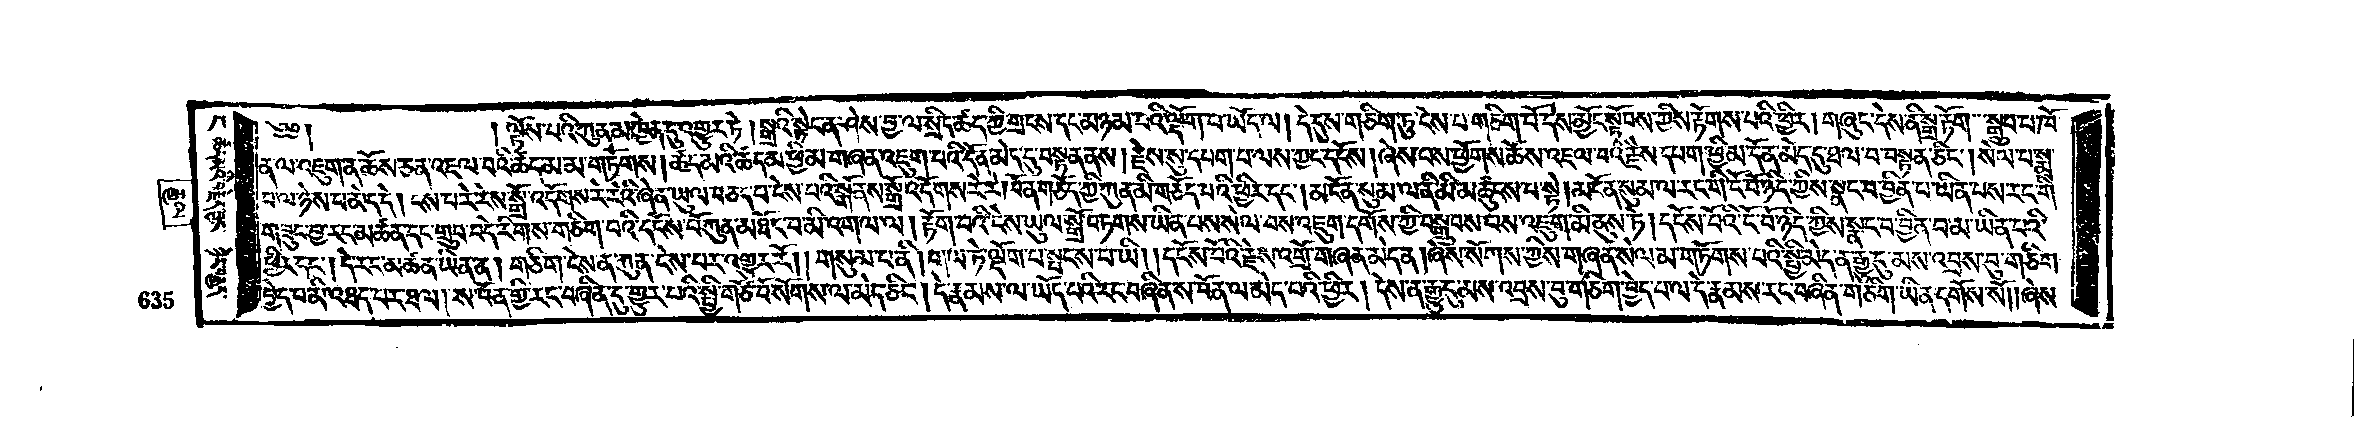༄༅། །ལྟོས་པའི་ཀུན་མཁྱེན་དུ་འགྱུར་ཏེ། སྒྲའི་སྟེང་ན་ཤེས་བྱ་ལ་སྲིད་ཚད་ཀྱི་གྲངས་དང་མཉམ་པའི་ལྡོག་པ་ཡོད་ལ། དེ་དུས་གཅིག་ཏུ་ངེས་པ་གཅིག་པོ་དེས་མྱོང་སྟོབས་ཀྱིས་རྟོགས་པའི་ཕྱིར། གཞུང་དེས་ནི་སྒྲ་རྟོག་སྒྲུབ་པ་ཁོ་
ན་ལ་འཇུག་ན་ཆོས་ཅན་འཇལ་བའི་ཚེད་མ་མ་གཏོགས། ཚད་མའི་ཚད་མ་གཞན་འཇུག་པའི་དོན་མེད་དུ་བསྟན་ནས། རྗེས་སུ་དཔག་པ་ལས་ཀྱང་དངོས། ཞེས་པས་ཕྱོགས་ཆོས་འཇལ་བའི་རྗེས་དཔག་ཕྱི་མ་དོན་མེད་དུ་ཐལ་བ་བསྟན་ཅིང་། སེལ་བ་སྨྲ་
བ་ལ་ཉེས་པ་མེད་དེ། ངེས་པ་རེ་རེས་སྒྲོ་འདོགས་རེ་རེའི་ཞེན་ཡུལ་བཅད་པ་ངེས་པའི་སྒོ་ནས་སྒྲོ་འདོགས་རེ་རེ་ཁོ་ན་གཅོད་ཀྱི་ཀུན་མི་གཅོད་པའི་ཕྱིར་དང་། མངོན་སུམ་ལ་ནི་མི་མཚུངས་པ་སྟེ། མངོན་སུམ་ལ་རང་གི་ངོ་བོ་ཉིད་ཀྱིས་སྣང་བ་བྱིན་པ་ཡིན་པས་རང་གི་
གཟུང་བ་རང་མཚན་དང་གྲུབ་བདེ་རིགས་གཅིག་པའི་དངོས་པོ་ཀུན་མཐོང་བ་མི་འགལ་ལ། རྟོག་པའི་ངེས་ཡུལ་སྒྲོ་བཏགས་ཡིན་པས་སེལ་བས་འཇུག་དགོས་ཀྱི་བསྒྲུབས་པས་འཇུག་མི་ནུས་ཏེ། དངོས་པོའི་ངོ་བོ་ཉིད་ཀྱིས་སྣང་བ་བྱིན་པ་མ་ཡིན་པའི་
ཕྱིར་དང་། དེ་རང་མཚན་ཡིན་ན། གཅིག་ངེས་ན་ཀུན་ངེས་པར་འགྱུར་རོ། །གསུམ་པ་ནི། གལ་ཏེ་ལྡོག་པ་སྤངས་པ་ཡི། །དངོས་པོའི་རྗེས་འགྲོ་གཞན་མེད་ན། ཞེས་སོགས་ཀྱིས་གཞན་སེལ་མ་གཏོགས་པའི་སྤྱི་མེད་ན་རྱྒུ་དུ་མས་འབྲས་བུ་གཅིག་
བྱེད་པ་མི་འཐད་པར་ཐལ། ས་བོན་གྱི་རང་བཞིན་དུ་གྱུར་པའི་སྤྱིར་གཙོ་བོ་སོགས་ལ་མེད་ཅིང་། དེ་རྣམས་ལ་ཡོད་པའི་རང་བཞིན་ས་བོན་ལ་མེད་པའི་ཕྱིར། དེས་ན་རྒྱུ་དུ་མས་འབྲས་བུ་གཅིག་བྱེད་པ་ལ་དེ་རྣམས་རང་བཞིན་གཅིག་ཡིན་དགོས་སོ། །ཞེས་